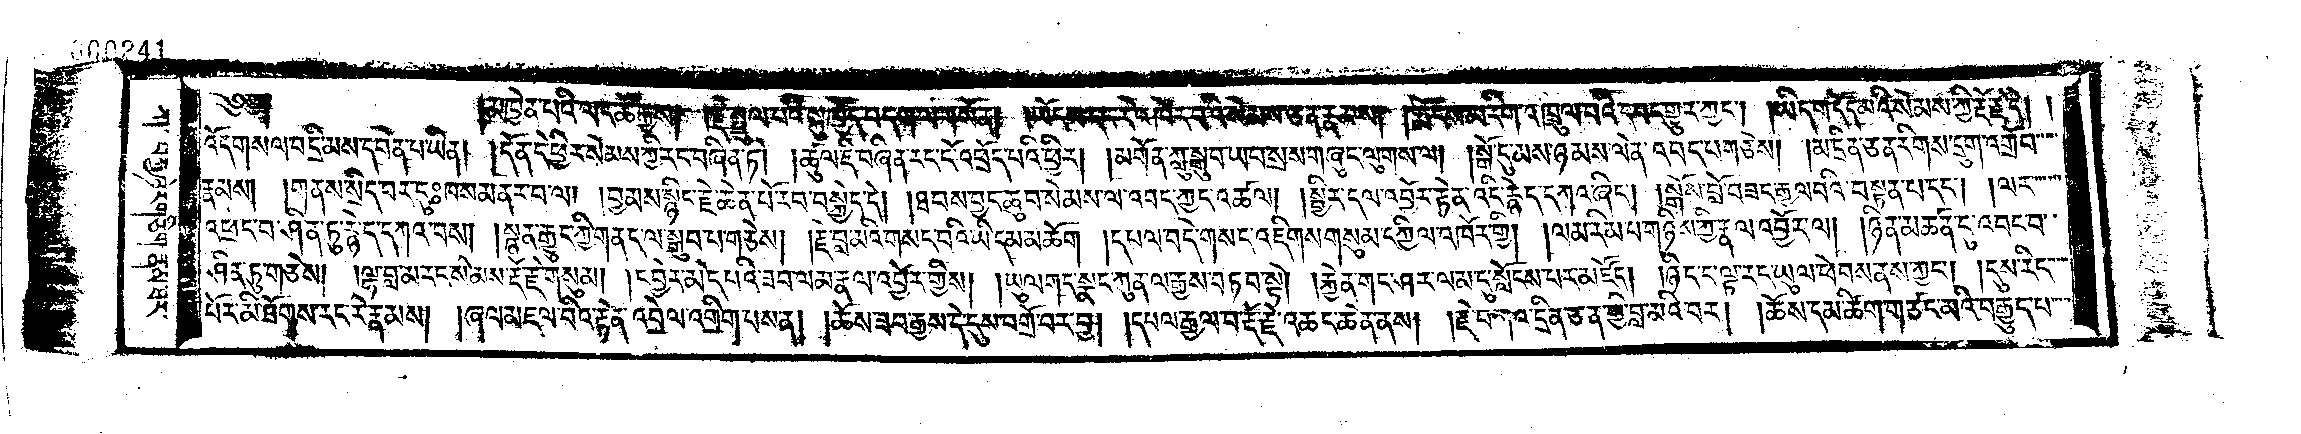༄༅། །མཁྱེན་པའི་ལང་ཚོ་རྒྱས། །རྗེ་སྤྲུལ་བའི་སྐུ་ཁྱོད་བདག་ལ་གསོན། །ཡོངས་རང་རེ་འཁོར་བའི་སེམས་ཅན་རྣམས། །རྨོངས་མ་རིག་འཁྲུལ་བའི་དབང་གྱུར་ཀྱང་། །ཡིད་གདོད་མའི་སེམས་ཀྱི་རྡོ་རྗེ་དེ། །
འོད་གསལ་བ་དྲི་མས་དབེན་པ་ཡིན། །དོན་དེ་ཕྱིར་སེམས་ཀྱི་རང་བཞིན་ཏེ། །ཚུལ་ཇི་བཞིན་རང་ངོ་འཕྲོད་པའི་ཕྱིར། །མགོན་ཀླུ་སྒྲུབ་ཡབ་སྲས་གཞུང་ལུགས་ལ། །སྒོ་དུ་མས་ཉམས་ལེན་འབད་པ་གཅེས། །མ་དྲིན་ཅན་རིགས་དྲུག་འགྲོ་བ་
རྣམས། །གནས་སྲིད་པར་དུཿ ཁས་མནར་བ་ལ། །བྱམས་སྙིང་རྗེ་ཆེན་པོ་རབ་བསྐྱེད་དེ། །ཐབས་བྱང་ཆུབ་སེམས་ལ་འབད་ཀྱང་འཚལ། །སྤྱིར་དལ་འབྱོར་རྟེན་འདི་རྙེད་དཀའ་ཞིང་། །སྒོས་བློ་བཟང་རྒྱལ་བའི་བསྟན་པ་དང་། །ལར་
འཕྲང་པ་ཤིན་ཏུ་རྙེད་དཀའ་བས། །སྙན་རྒྱུད་ཀྱི་གནད་ལ་སྒྲུབ་པ་གཅེས། །རྗེ་བླ་མའི་གསང་བའི་ཡི་དམ་མཆོག །དཔལ་བདེ་གསང་འཇིགས་གསུམ་དཀྱིལ་འཁོར་གྱི། །ལམ་རིམ་པ་གཉིས་ཀྱི་རྣལ་འབྱོར་ལ། །ཉིན་མཚན་དུ་འབད་པ་
ཤིན་ཏུ་གཅེས། །ལྷ་བླ་མ་རང་སེམས་རྡོ་རྗེ་གསུམ། །དབྱེར་མེད་པའི་ཟབ་ལམ་རྣལ་འབྱོར་གྱིས། །ཡུལ་གང་སྣང་ཀུན་ལ་རྒྱས་བཏབ་སྟེ། །རྐྱེན་གང་ཤར་ལམ་དུ་སློངས་པར་མཛོད། །ཉིད་ད་ལྟ་རང་ཡུལ་ཕེབས་ནས་ཀྱང་། །དུས་རིང་
པོར་མི་ཐོགས་རང་རེ་རྣམས། །ཞལ་མཇལ་བའི་རྟེན་འབྲེལ་འགྲིག་པས་ན། །ཆོས་ཟབ་རྒྱས་དེ་དུས་བགྲོ་བར་བྱ། །དཔལ་རྒྱལ་བ་རྡོ་རྗེ་འཆང་ཆེན་ནས། །རྗེ་བཀའ་དྲིན་ཅན་གྱི་བླ་མའི་བར། །ཆོས་དམ་ཚིག་གཙང་མའི་བརྒྱུད་པ་